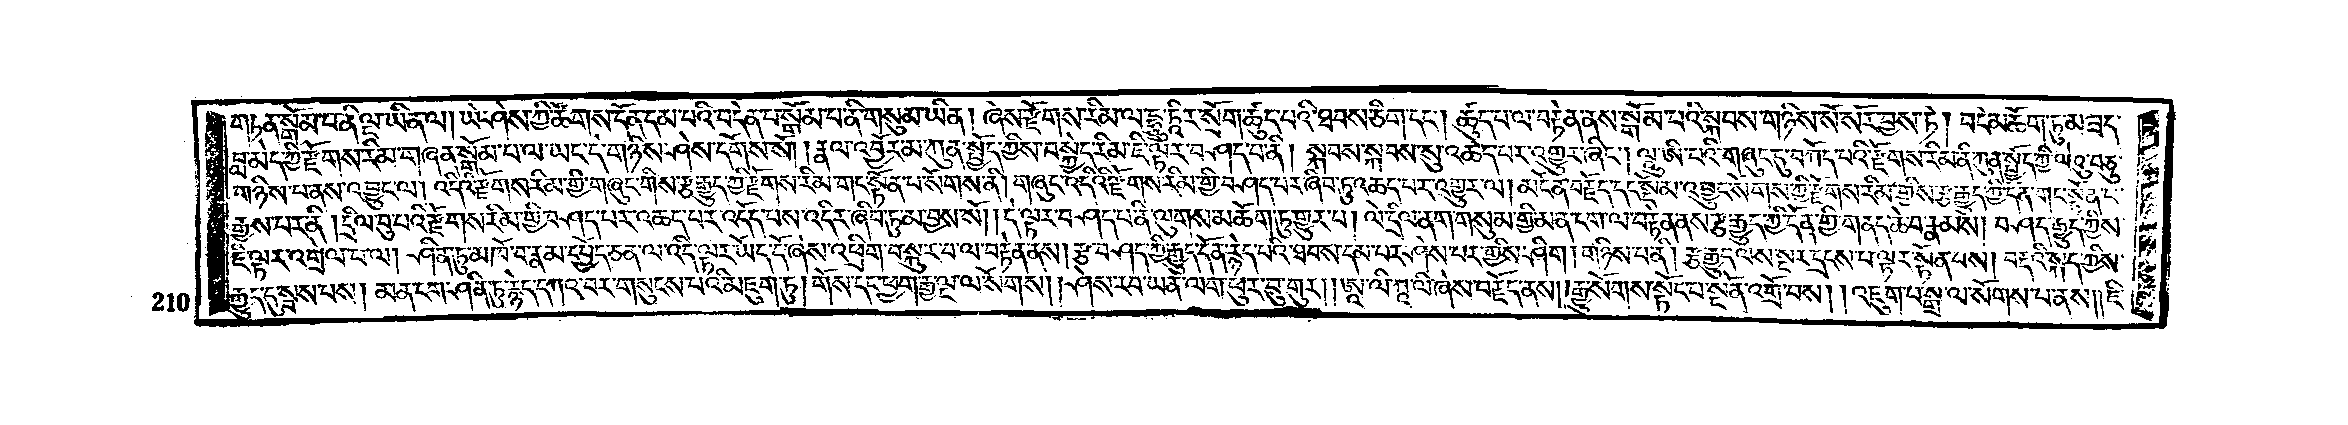གཏན་སྒོམ་པ་ནི་ལྔ་ཡིན་ལ། ཡེ་ཤེས་ཀྱི་ཚོགས་དོན་དམ་པའི་བདེན་པ་སྒོམ་པ་ནི་གསུམ་ཡིན། ཞེས་རྫོགས་རིམ་ལ་དྷཱུ་ཏཱིར་སྲོག་ཚུད་པའི་ཐབས་ཅིག་དང་། ཚུད་པ་ལ་བརྟེན་ནས་སྒོམ་པའི་སྐབས་གཉིས་སོ་སོར་བྱས་ཏེ། བདེ་མཆོག་ཏུ་མ་ཟད་བླ་མེད་ཀྱི་རྫོགས་རིམ་གཞན་སྒོམ་པ་ལ་ཡང་དེ་གཉིས་ཤེས་དགོས་སོ། །རྣལ་འབྱོར་མ་ཀུན་སྤྱོད་ཀྱིས་བསྐྱེད་རིམ་ཇི་ལྟར་བཤད་པ་ནི། སྐབས་སྐབས་སུ་འཆད་པར་འགྱུར་ཞིང་། ལཱུ་ཨི་པའི་གཞུང་དུ་བཀོད་པའི་རྫོགས་རིམ་ནི་ཀུན་སྤྱོད་ཀྱི་ལེའུ་བཅུ་
གཉིས་པ་ནས་འབྱུང་ལ། འདིའི་རྫོགས་རིམ་གྱི་གཞུང་གིས་རྩ་རྒྱུད་ཀྱི་རྫོགས་རིམ་གང་སྟོན་པ་སོགས་ནི། གཞུང་འདིའི་རྫོགས་རིམ་གྱི་བཤད་པར་ཞིབ་ཏུ་འཆད་པར་འགྱུར་ལ། མངོན་བརྗོད་དང་སྡོམ་འབྱུང་སོགས་ཀྱི་རྫོགས་རིམ་གྱིས་རྩ་རྒྱུད་ཀྱི་དོན་གང་སྟོན་པ་
རྒྱས་པར་ནི། དྲིལ་བུ་པའི་རྫོགས་རིམ་གྱི་བཤད་པར་འཆད་པར་འདོད་པས་འདིར་ཞིབ་ཏུ་མ་བྱས་སོ། །དེ་ལྟར་བཤད་པ་ནི་ལུགས་མཆོག་ཏུ་གྱུར་པ། ལེ་དྲིལ་ནག་གསུམ་གྱི་མན་ངག་ལ་བརྟེན་ནས་རྩ་རྒྱུད་ཀྱི་དོན་གྱི་གནད་ཆེ་བ་རྣམས། བཤད་རྒྱུད་ཀྱིས་
ཇི་ལྟར་འགྲེལ་པ་ལ། ཤིན་ཏུ་མཁོ་བ་རྣམ་དཔྱོད་ཅན་ལ་འདི་ལྟར་ཡོད་དོ་ཞེས་འཕྲིག་བསྐུར་བ་ལ་བརྟེན་ནས། རྩ་བཤད་ཀྱི་རྒྱུད་དོན་རྙེད་པའི་ཐབས་དམ་པར་ཤེས་པར་གྱིས་ཤིག །གཉིས་པ་ནི། རྩ་རྒྱུད་ལས་སྔར་དྲངས་པ་ལྟར་སྟོན་པས། བརྡའི་སྐད་ཀྱིས་
རྒྱུད་དུ་སྦས་པས། མན་ངག་ཤིན་ཏུ་རྙེད་དཀའ་བར་གསུངས་པའི་མཇུག་ཏུ། གོས་དང་ཕྱག་རྒྱ་ལྔ་ལ་སོགས། །ཤེས་རབ་ཡན་ལག་ཕུར་བུ་གུར། །ཨཱ་ལི་ཀཱ་ལི་ཞེས་བརྗོད་ནས། །རྒྱུ་སོགས་སྟོང་པ་སྔོན་འགྲོ་བས། །འཇུག་པ་སྒྲ་ལ་སོགས་པ་ནས། །ཇི་